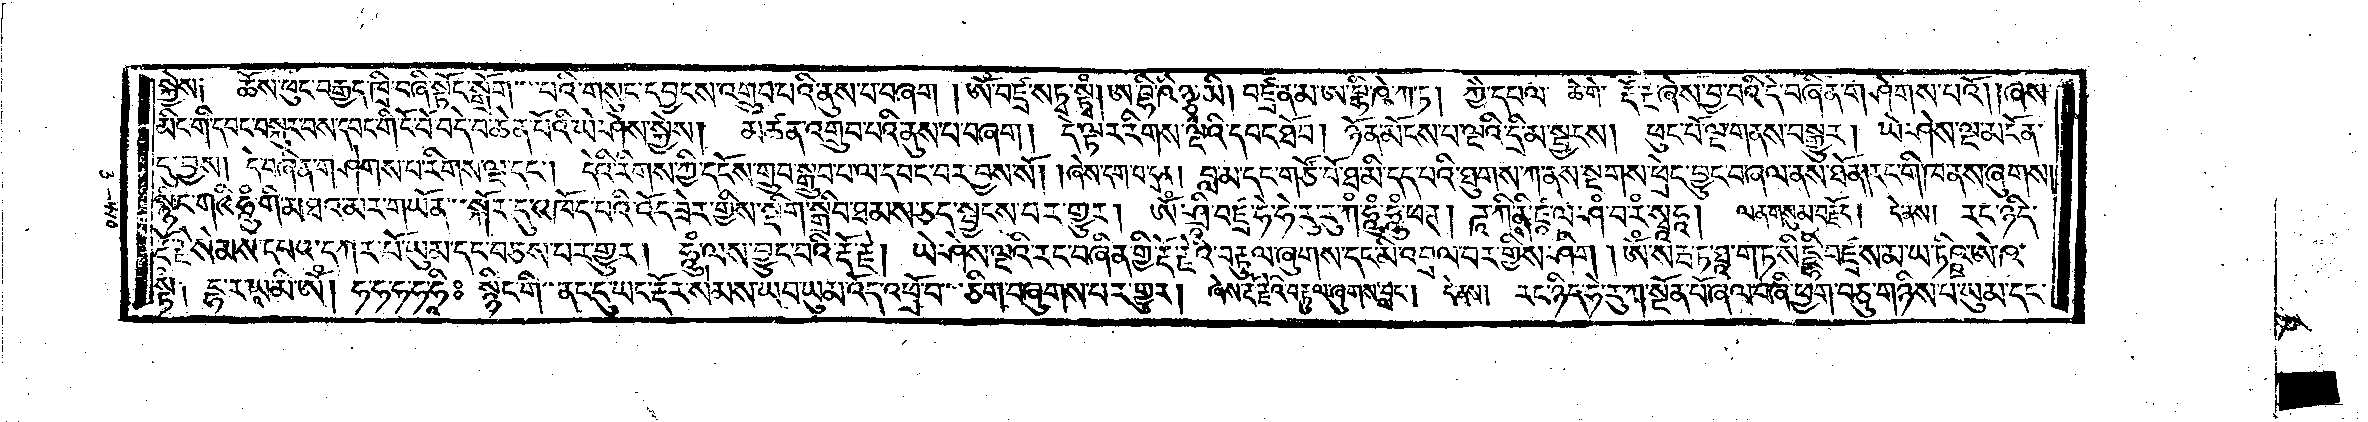སྐྱེས༑ ཆོས་ཕུང་བརྒྱད་ཁྲི་བཞི་སྟོང་སྒྲོག་པའི་གསུང་དབྱངས་འགྲུབ་པའི་ནུས་པ་བཞག །ཨོཾ་བཛྲ་སཏྭ་སྟྭཾ་ཨ་བྷི་ཤིཉྩ་མི། བཛྲ་ན་མ་ཨ་ཕི་ཥེ་ཀ་ཏ། ཀྱཻ་དཔལ་ཆེ་གེ།  རྡོ་རྔེ་ཞེས་བྱ་བའི་དེ་བཞིན་གཤེགས་པངོ། །ཞས་
མིང་གི་དབང་བསྐུར་བས་དབང་གི་ངོ་བོ་བདེ་བ་ཆེན་པོའི་ཡེ་ཤེས་སྐྱེས། མཚན་འགྲུབ་པའི་ནུས་པ་བཞག། དེ་ལྟར་རིགས་ལྔའི་དབང་ཐོབ། ཉོན་མོངས་པ་ལྔའི་དྲི་མ་སྦྱངས། ཕུང་པོ་ལྔ་གནས་བསྒྱུར། ཡེ་ཤེས་ལྔ་མངོན་
དུ་བྱས། དེ་བཞིན་གཤེགས་པ་རིགས་ལྔ་དང་། དེའི་རིགས་ཀྱི་དངོས་གྲུབ་སྒྲུབ་པ་ལ་དབང་བར་བྱས་སོ། །ཞེས་དག་པ་དྲན།  བླ་མ་དང་གཙོ་བོ་ཐ་མི་དད་པའི་ཐུགས་ཀ་ནས་སྔགས་ཕྲེང་བྱུང་བ་ཞལ་ནས་ཐོན། རང་གི་ཁ་ནས་ཞུགས།
སྙིང་གའི་ཧཱུཾ་གི་མཐའ་མར་གཡོན་སྐོར་དུ་འཁོད་པའི་འོད་ཟེར་གྱིས་སྡིག་སྒྲིབ་ཐམས་ཅད་སྦྱངས་བར་གྱུར། ཨོཾ་ཤྲི་བཛྲ་ཧེ་ཧེ་རུ་རུ་ཀཾ་ཧཱུཾ་ཧཱུཾ་ཕཊ། ཌཱ་ཀི་ནི་ཛཱ་ལ་ཤཾ་བ་རཾ་སྭཱཧཱ། ལན་གསུམ་བརྗོད། དེ་ནས།  རང་ཉིད་
རྡོ་རྗེ་སེམས་དཔའ་དཀར་པོ་ཡུམ་དང་བཅས་པར་གྱུར། ཧཱུཾ་ལས་བྱུང་བའི་རྡོ་རྗེ། ཡེ་ཤེས་ལྔའི་རང་བཞིན་གྱི་རྡོ་རྗེའི་བརྟུལ་ཞུགས་དང་མི་འབྲལ་བར་གྱིས་ཤིག །ཨོཾ་སརྦ་ཏ་ཐཱ་ག་ཏ་སིདྡྷི་བཛྲ་ས་མ་ཡ་ཏིཥཊཿཨ་ཨེ་ཥ་
སྟཾ། དྷ་ར་ཡཱ་མི་ཨོཾ། ཧ་ཧ་ཧ་ཧ་ཧཱིཿསྙིང་གི་ནང་དུ་ཡང་རྡོར་སེམས་ཡབ་ཡུམ་འོད་འཕྲོ་བ་ཅིག་བཞུགས་པར་གྱུར། ཞེས་རྡོ་རྗེའི་བརྟུལ་ཞུགས་བླང་། དེ་ནས།  རང་ཉིད་ཧེ་རུ་ཀ་སྔོན་པོ་ཞལ་བཞི་ཕྱག་བཅུ་གཉིས་པ་ཡུམ་དང་